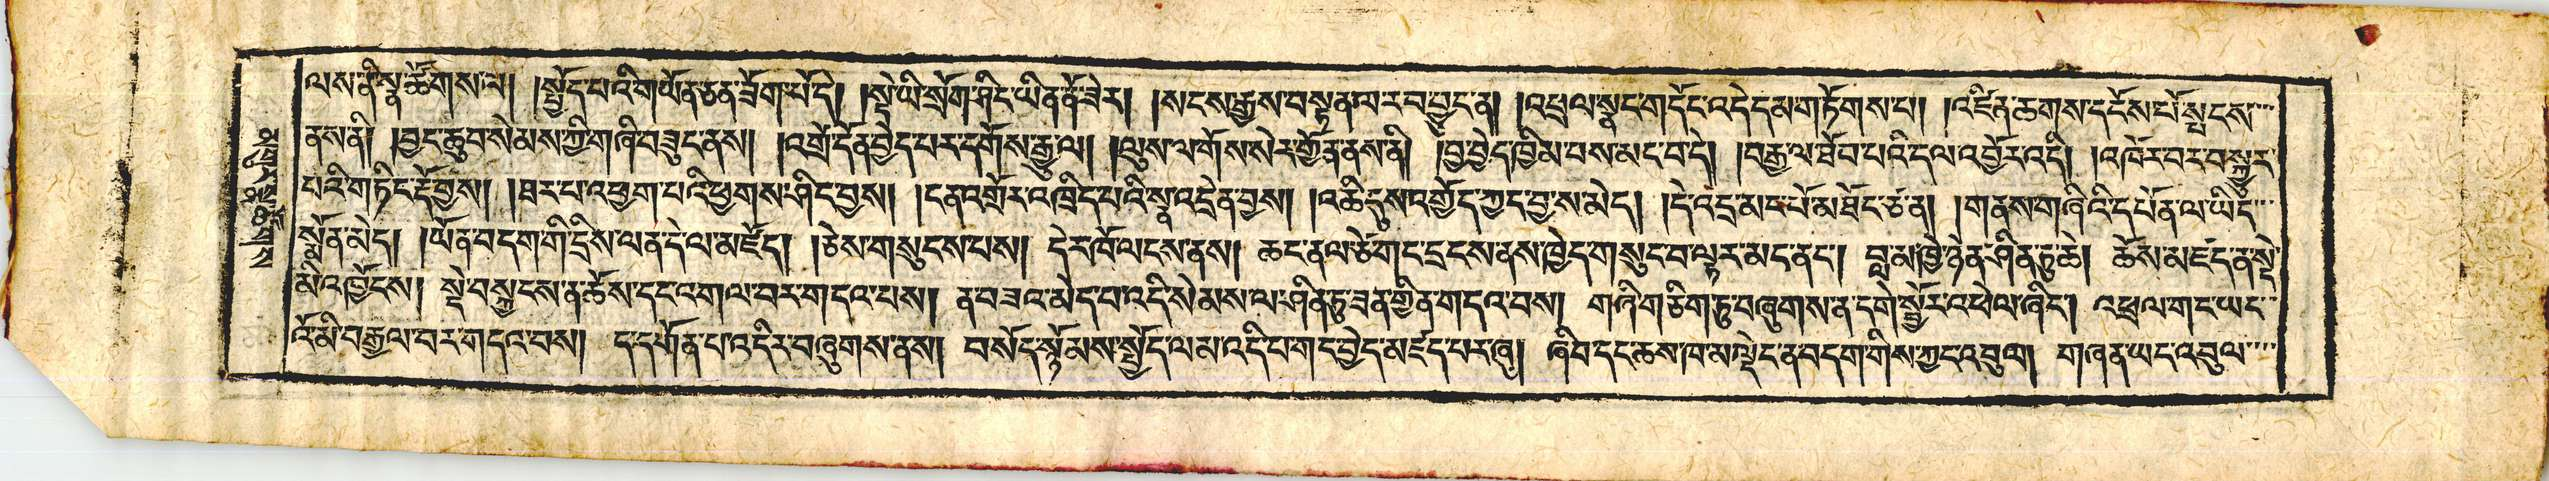ལས་ནི་སྣ་ཚོགས་ལ། །སྤྱོད་པའི་གཡོན་ཅན་ཟོག་པོ་དེ། །སྡེ་ཡི་སྲོག་ཤིང་ཡིན་ནོ་ཟེར། །སངས་རྒྱས་བསྟན་ལ་རབ་བྱུང་ན། །འཕྲལ་སྣང་གདོང་འདེད་མ་གཏོགས་པ། །འཛིན་ཆགས་དངོས་པོ་སྤངས་
ནས་ནི། །བྱང་ཆུབ་སེམས་ཀྱི་གཞི་བཟུང་ནས། །འགྲོ་དོན་བྱེད་པར་དགོས་རྒྱུ་་ལ། །ལུས་ལ་གོས་སེར་གྱོན་ནས་ནི། །བྱ་བྱེད་ཁྱིམ་བས་མང་བ་དེ། །བརྒྱ་ལ་ཐོབ་པའི་དལ་འབྱོར་འདི། །འཁོར་བར་བསྐྱུར་
པའི་གཏིང་རྡོ་བྱས། །ཐར་པ་འཕྱག་པའི་ཕྱགས་ཤིང་བྱས། །ངན་འགྲོར་འཁྲིད་པའི་སྣ་འདྲེན་བྱས། །འཆི་དུས་འགྱོད་ཀྱང་བྱ་ས་མེད། །དེ་འདྲ་མང་པོ་མཐོང་ཙ་ན། །གནས་གཞིའི་དཔོན་ལ་ཡིད་
སྨོན་མེད། །ཡོན་བདག་གི་དྲིས་ལན་དེ་ལ་མཛོད། །ཅེས་གསུངས་པས། དེར་ཁོ་ལངས་ནས། ཆང་ནལ་ཙེ་གང་དྲངས་ནས་ཁྱེད་གསུང་བ་ལྟར་མད་ནང་༼ནའང༽། བླ་མ་ཁྱེད་ཉེན་ཤིན་ཏུ་ཆེ། ཆོས་མཛད་ན་སྡེ་
འོ་མི་བརྒྱལ་བར་གདའ་བས། ད་དགོན་པ་འདིར་བཞུགས་ནས། བསོད་སྙོམས་སྤྱོད་ལམ་འདི་པ་གང་བྱེད་མཛད་པར་ཞུ། ཞིབ་དང་ཆས་ཁ་མ་ལྡེང་ན་བདག་གིས་ཀྱང་འབུལ། གཞན་ཡང་འབུལ་